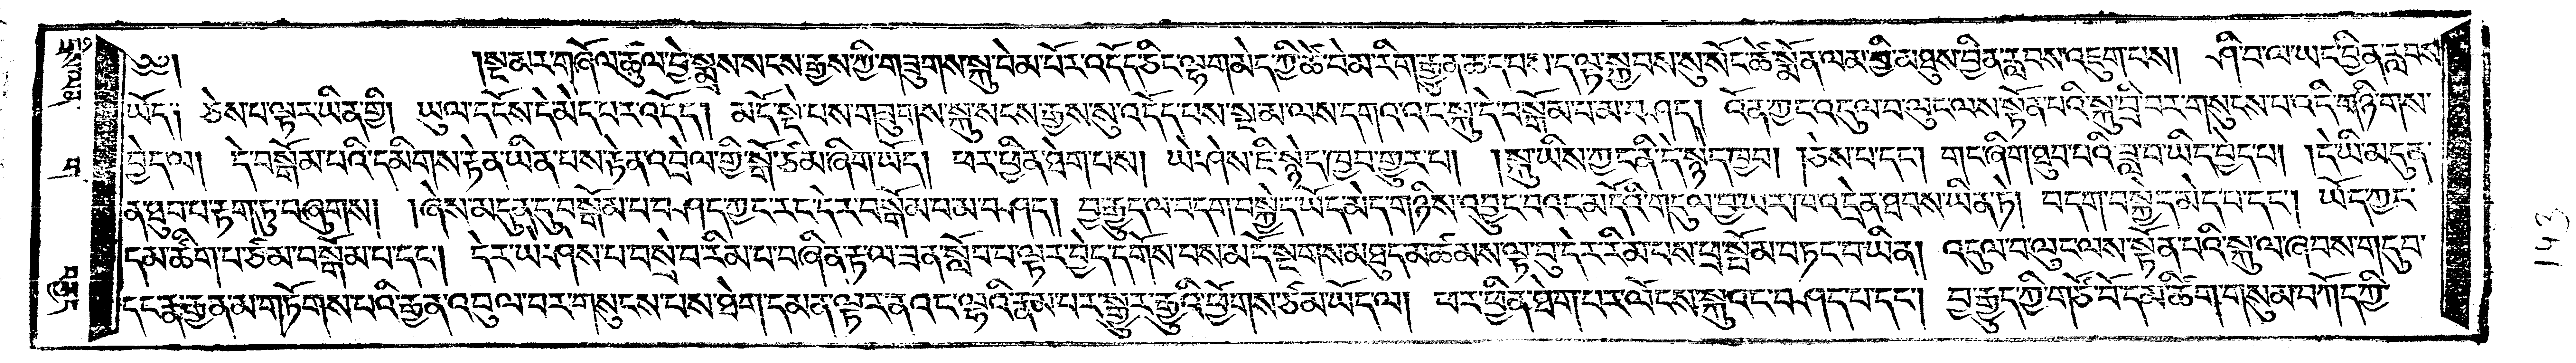༄༅། །སྔ་མར་གཞོལ་ཚུལ་བྱེ་སྨྲས་སངས་རྒྱས་ཀྱི་གཟུགས་སྐུ་བེམ་པོར་འདོད་ཅིང་ལྷག་མེད་ཀྱི་ཚེ་བེམ་རིག་རྒྱུན་ཆད་པས་ད་ལྟ་སྐྱབས་སུ་སོང་ཚེ་སྨོན་ལམ་གྱི་མཐུས་བྱིན་རླབས་འཇུག་པས། ཤི་བ་ལ་ཡང་བྱིན་རླབས་
ཡོད༑ ཅེས་པ་ལྟར་ཡིན་གྱི། ཡུལ་དངོས་དེ་མེད་པར་འདོད། མདོ་སྡེ་པས་གཟུགས་སྐུ་སངས་རྒྱས་སུ་འདོད་པས་སྔ་མ་ལས་དགའ་འང་སྐུ་དེ་བསྒོམ་པ་མ་བཤད། འོན་ཀྱང་འདུལ་བ་ལུང་ལས་སྟོན་པའི་སྐུ་བྲི་བར་གསུངས་པ་འདི་གཉི་གས་
བྱེད་ལ། དེ་བསྒོམ་པའི་དམིགས་རྟེན་ཡིན་པས་རྟེན་འབྲེལ་གྱི་སྒོ་ཙམ་ཞིག་ཡོད། ཕར་ཕྱིན་ཐེག་པས། ཡེ་ཤེས་ཇི་སྙེད་ཁྱབ་གྱུར་པ། །སྐུ་ཡིས་ཀྱང་ནི་དེ་སྙེད་ཁྱབ། །ཅེས་པ་དང་། གང་ཞིག་ཐུབ་པའི་ཟླ་བ་ཡིད་བྱེད་པ། །དེ་ཡི་མདུན་
ན་ཐུབ་པ་རྟག་ཏུ་བཞུགས། །ཞེས་མདུན་དུ་བསྒོམ་པ་བཤད་ཀྱང་རང་དེར་བསྒོམ་པ་མ་བཤད། བྱ་རྒྱུད་ལ་བདག་བསྐྱེད་ཡོད་མེད་གཉིས་འབྱུང་བའང་མདོའི་གདུལ་བྱ་ཡར་ཁ་འདྲེན་ཐབས་ཡིན་ཏེ། བདག་བསྐྱེད་མེད་པ་དང་། ཡོད་ཀྱང་
དམ་ཚིག་པ་ཙམ་བསྒོམ་པ་དང་། དེར་ཡེ་ཤེས་པ་བསྲེ་བ་རིམ་པ་བཞིན་རྟ་ལ་ཟན་སློབ་པ་ལྟར་བྱེད་དགོས་པས་མདོ་སྔགས་མཐུད་མཚམས་ལྟ་བུ་དེར་རིམ་པས་ཕྲ་སྤོམ་བཏང་བ་ཡིན། འདུལ་བ་ལུང་ལས་སྟོན་པའི་སྐུ་ལ་ཞབས་གདུབ་
དང་རྣ་རྒྱན་མ་གཏོགས་པའི་རྒྱན་འབུལ་བར་གསུངས་པས་ཐེག་དམན་ལྟར་ནའང་ལྷའི་རྣམ་པར་སྒྱུར་རྒྱུའི་ཕྱོགས་ཙམ་ཡོད་ལ། ཕར་ཕྱིན་ཐེག་པར་ལོངས་སྐུའང་བཤད་པ་དང་། བྱ་རྒྱུད་ཀྱི་གཙོ་བོ་དམ་ཚིག་གསུམ་བཀོད་ཀྱི་